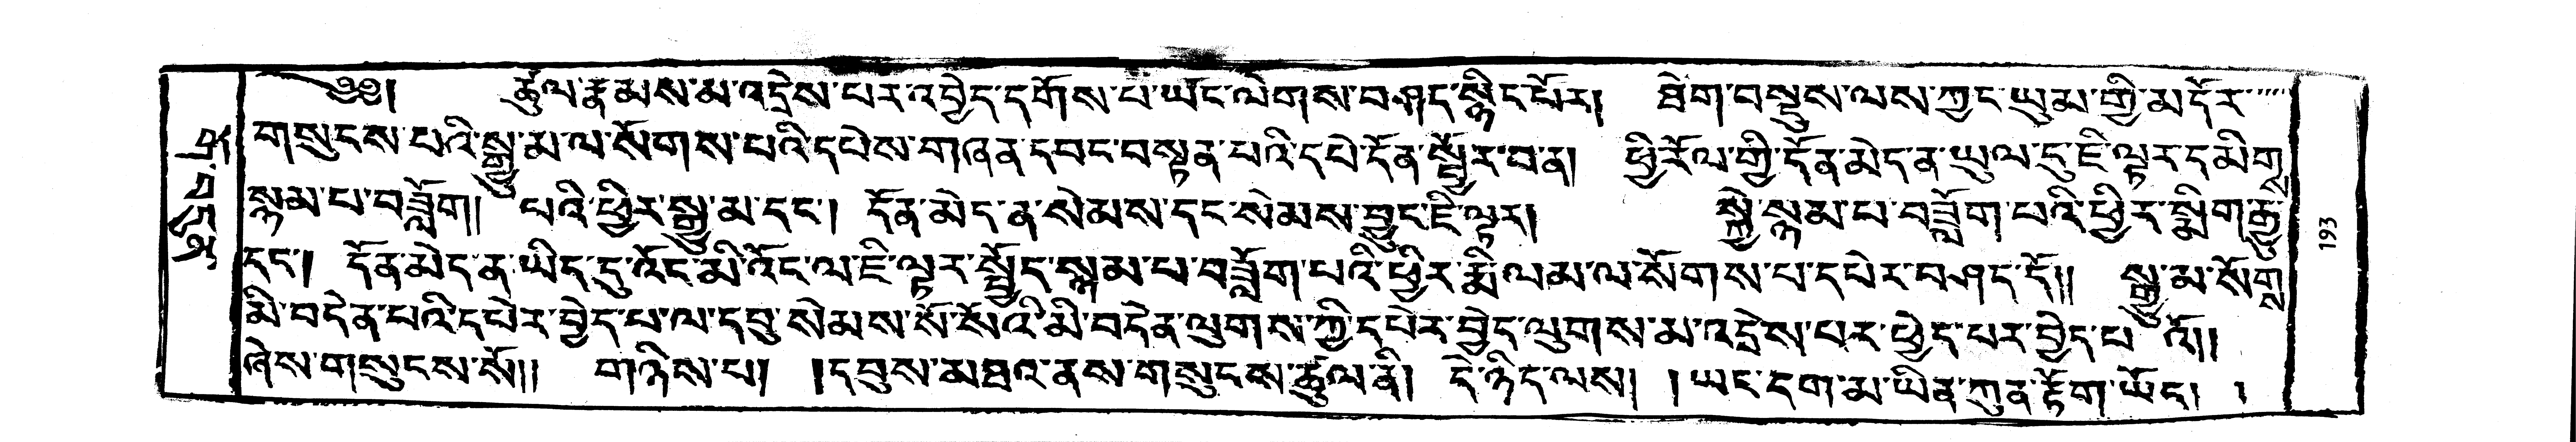༄༅། །ཚུལ་རྣམས་མ་འདྲེས་པར་འབྱེད་དགོས་པ་ཡང་ལེགས་བཤད་སྙིང་པོར། ཐེག་བསྡུས་ལས་ཀྱང་ཡུམ་གྱི་མདོར་
གསུངས་པའི་སྒྱུ་མ་ལ་སོགས་པའི་དཔེས་གཞན་དབང་བསྟན་པའི་དཔེ་དོན་སྦྱོར་བ་ན། ཕྱི་རོལ་གྱི་དོན་མེད་ན་ཡུལ་དུ་ཇི་ལྟར་དམིགས་
སྙམ་པ་བཟློག །པའི་ཕྱིར་སྒྱུ་མ་དང་། དོན་མེད་ན་སེམས་དང་སེམས་བྱུང་ཇི་ལྟར། སྐྱེ་སྙམ་པ་བཟློག་པའི་ཕྱིར་སྨིག་རྒྱུ་
དང་། དོན་མེད་ན་ཡིད་དུ་འོང་མི་འོང་ལ་ཇི་ལྟར་སྤྱོད་སྙམ་པ་བཟློག་པའི་ཕྱིར་རྨི་ལམ་ལ་སོགས་པ་དཔེར་བཤད་དོ། །སྒྱུ་མ་སོགས་
མི་བདེན་པའི་དཔེར་བྱེད་པ་ལ་དབུ་སེམས་སོ་སོའི་མི་བདེན་ལུགས་ཀྱི་དཔེར་བྱེད་ལུགས་མ་འདྲེས་པར་ཕྱེད་པར་བྱེད་པའོ། །
ཞེས་གསུངས་སོ། །གཉིས་པ། །དབུས་མཐའ་ནས་གསུངས་ཚུལ་ནི། དེ་ཉིད་ལས། །ཡང་དག་མ་ཡིན་ཀུན་རྟོག་ཡོད། །